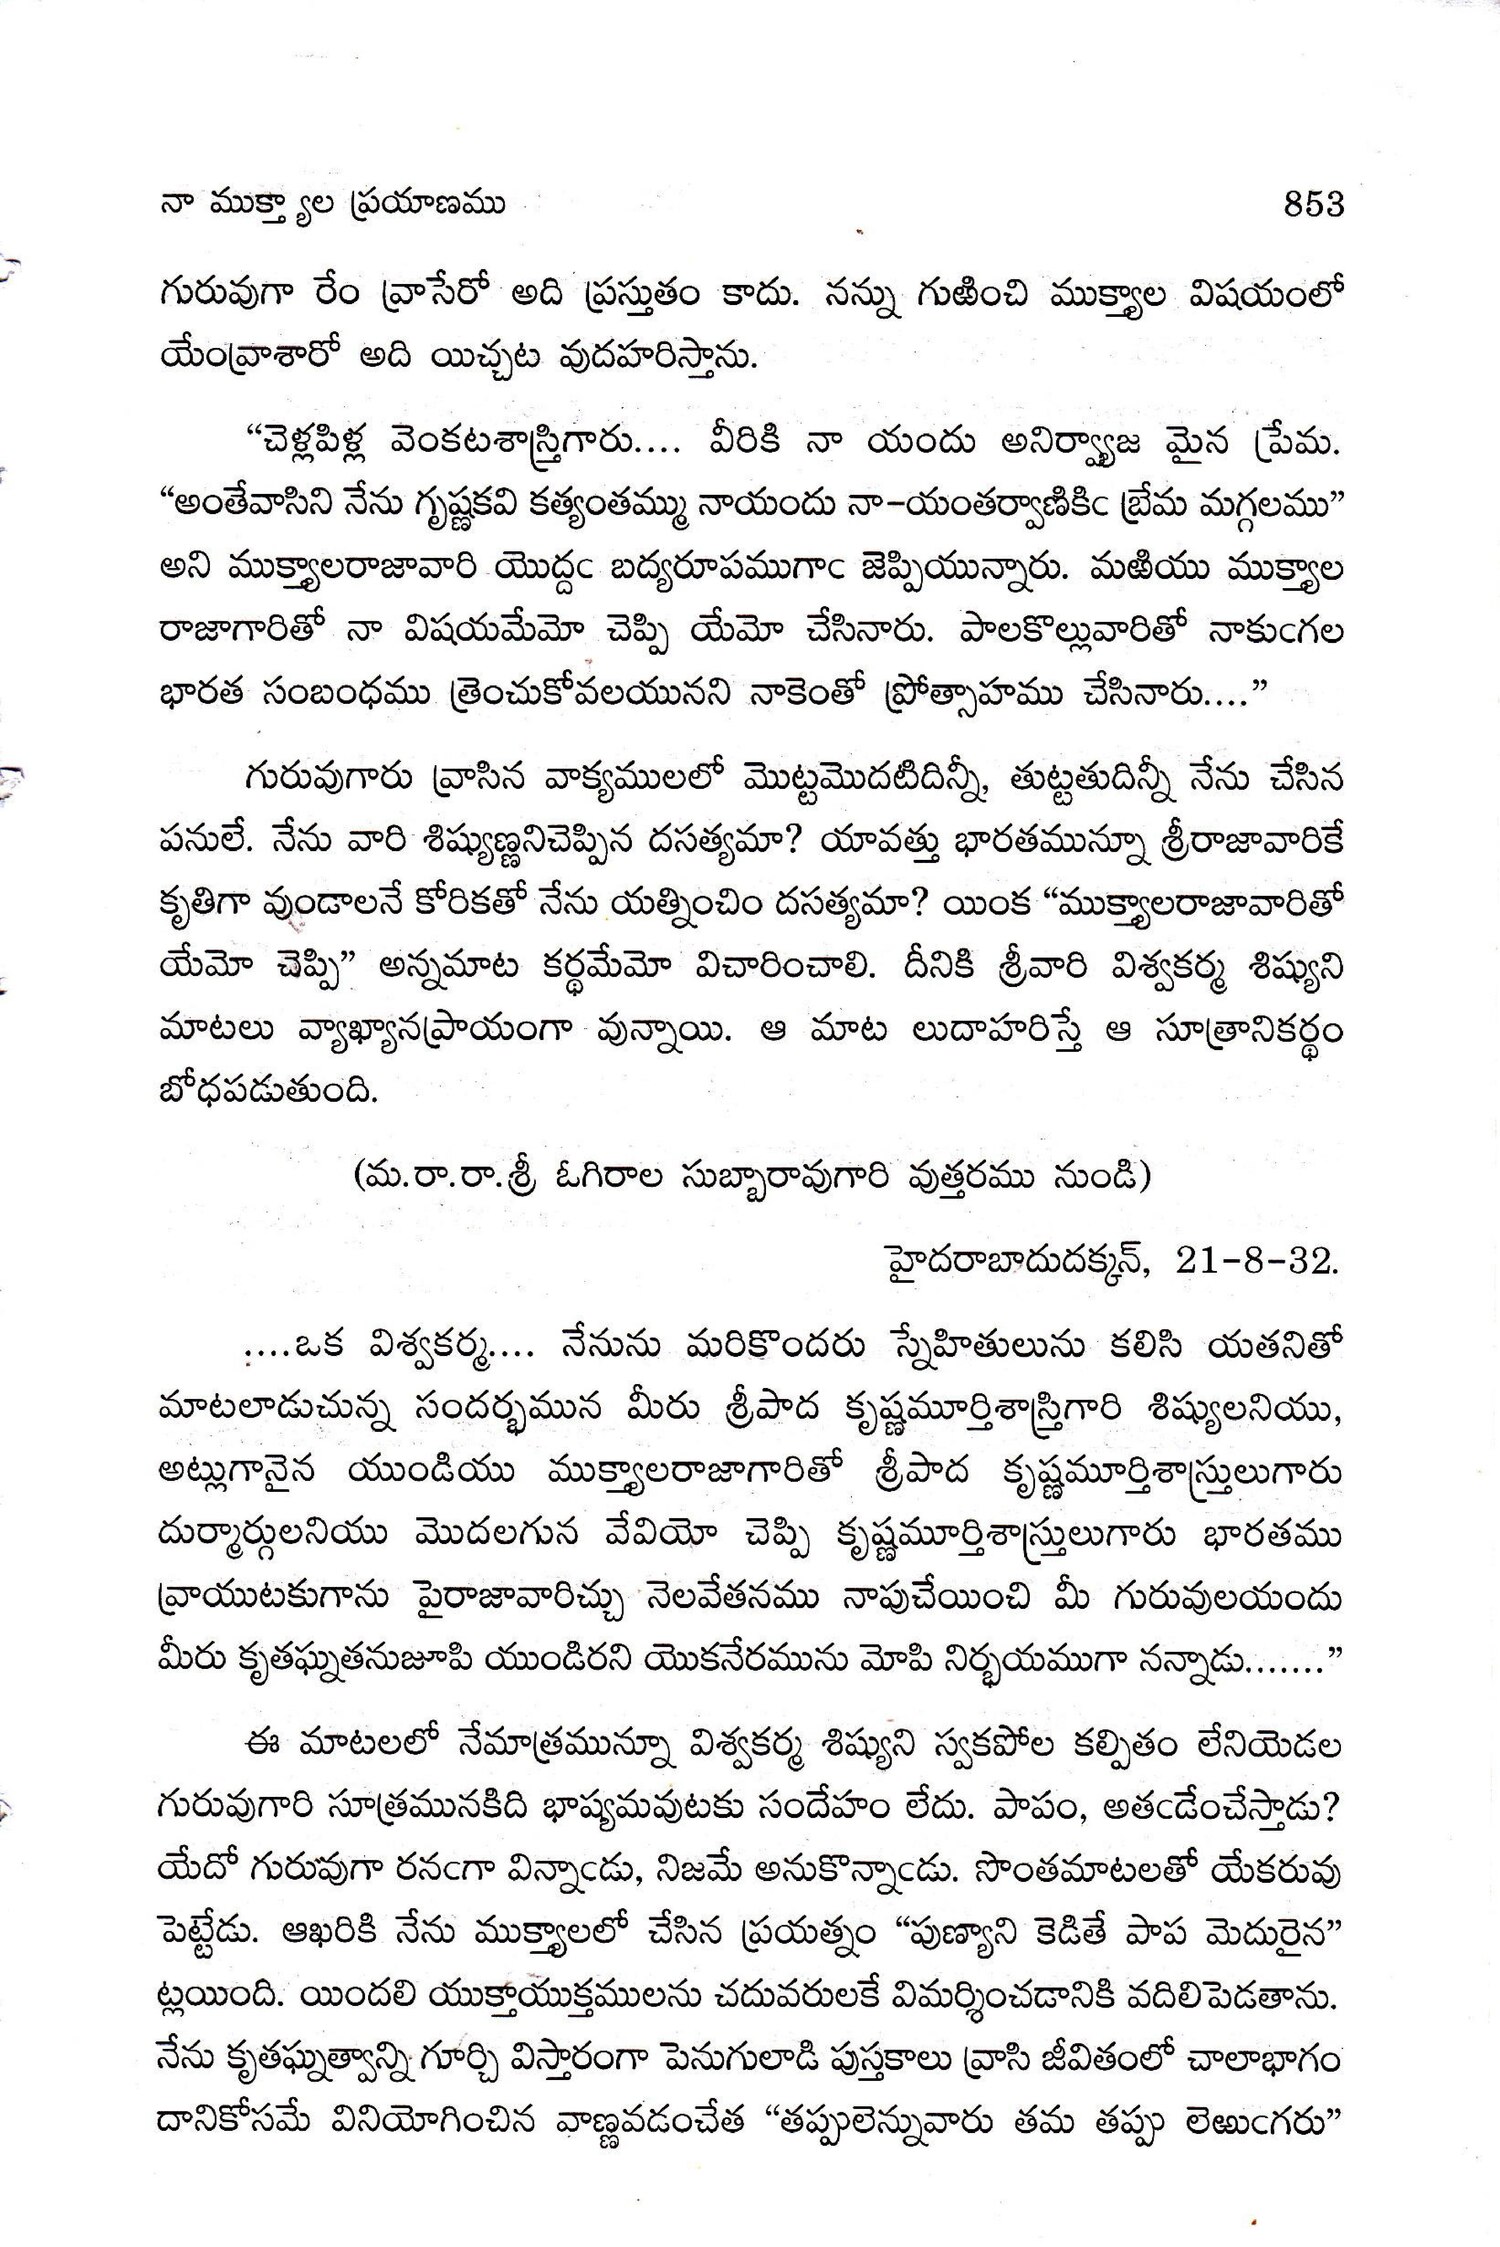గురువుగా రేం వ్రాసేరో అది ప్రస్తుతం కాదు. నన్ను గుఱించి ముక్త్యాల విషయంలో యేంవ్రాశారో అది యిచ్చట వుదహరిస్తాను. 

"చెళ్లపిళ్ల వెంకటశాస్త్రిగారు.... వీరికి నా యందు అనిర్వ్యాజ మైన ప్రేమ. "అంతేవాసిని నేను గృష్ణకవి కత్యంతమ్ము నాయందు నా-యంతర్వాణికిఁ బ్రేమ మగ్గలము" అని ముక్త్యాలరాజావారి యొద్దఁ బద్యరూపముగాఁ జెప్పియున్నారు. మఱియు ముక్త్యాల రాజాగారితో నా విషయమేమో చెప్పి యేమో చేసినారు. పాలకొల్లువారితో నాకుఁగల భారత సంబంధము త్రెంచుకోవలయునని నాకెంతో ప్రోత్సాహము చేసినారు.”

గురువుగారు వ్రాసిన వాక్యములలో మొట్టమొదటిదిన్నీ తుట్టతుదిన్నీ నేను చేసిన పనులే. నేను వారి శిష్యుణ్ణనిచెప్పిన దసత్యమా? యావత్తు భారతమున్నూ శ్రీరాజావారికే కృతిగా వుండాలనే కోరికతో నేను యత్నించిం దసత్యమా? యింక "ముక్త్యాలరాజావారితో యేమో చెప్పి" అన్నమాట కర్థమేమో విచారించాలి. దీనికి శ్రీవారి విశ్వకర్మ శిష్యుని మాటలు వ్యాఖ్యానప్రాయంగా వున్నాయి. ఆ మాట లుదాహరిస్తే ఆ సూత్రానికర్థం బోధపడుతుంది.

....ఒక విశ్వకర్మ... నేనును మరికొందరు స్నేహితులును కలిసి యతనితో మాటలాడుచున్న సందర్భమున మీరు శ్రీపాద కృష్ణమూర్తిశాస్త్రిగారి శిష్యులనియు, అట్లుగానైన యుండియు ముక్త్యాలరాజాగారితో శ్రీపాద కృష్ణమూర్తిశాస్త్రులుగారు దుర్మార్గులనియు మొదలగున వేవియో చెప్పి కృష్ణమూర్తిశాస్త్రులుగారు భారతము వ్రాయుటకుగాను పైరాజావారిచ్చు నెలవేతనము నాపుచేయించి మీ గురువులయందు మీరు కృతఘ్నతనుజూపి యుండిరని యొకనేరమును మోపి నిర్భయముగా నన్నాడు......."

ఈ మాటలలో నేమాత్రమున్నూ విశ్వకర్మ శిష్యుని స్వకపోల కల్పితం లేనియెడల గురువుగారి సూత్రమునకిది భాష్యమవుటకు సందేహం లేదు. పాపం, అతఁడేంచేస్తాడు? యేదో గురువుగా రనఁగా విన్నాఁడు, నిజమే అనుకొన్నాఁడు. సొంతమాటలతో యేకరువు పెట్టేడు. ఆఖరికి నేను ముక్త్యాలలో చేసిన ప్రయత్నం “పుణ్యాని కెడితే పాప మెదురైన” ట్లయింది. యిందలి యుక్తాయుక్తములను చదువరులకే విమర్శించడానికి వదిలిపెడతాను. నేను కృతఘ్నత్వాన్ని గూర్చి విస్తారంగా పెనుగులాడి పుస్తకాలు వ్రాసి జీవితంలో చాలాభాగం దానికోసమే వినియోగించిన వాణ్ణవడంచేత “తప్పులెన్నువారు తమ తప్పు లెఱుఁగరు"